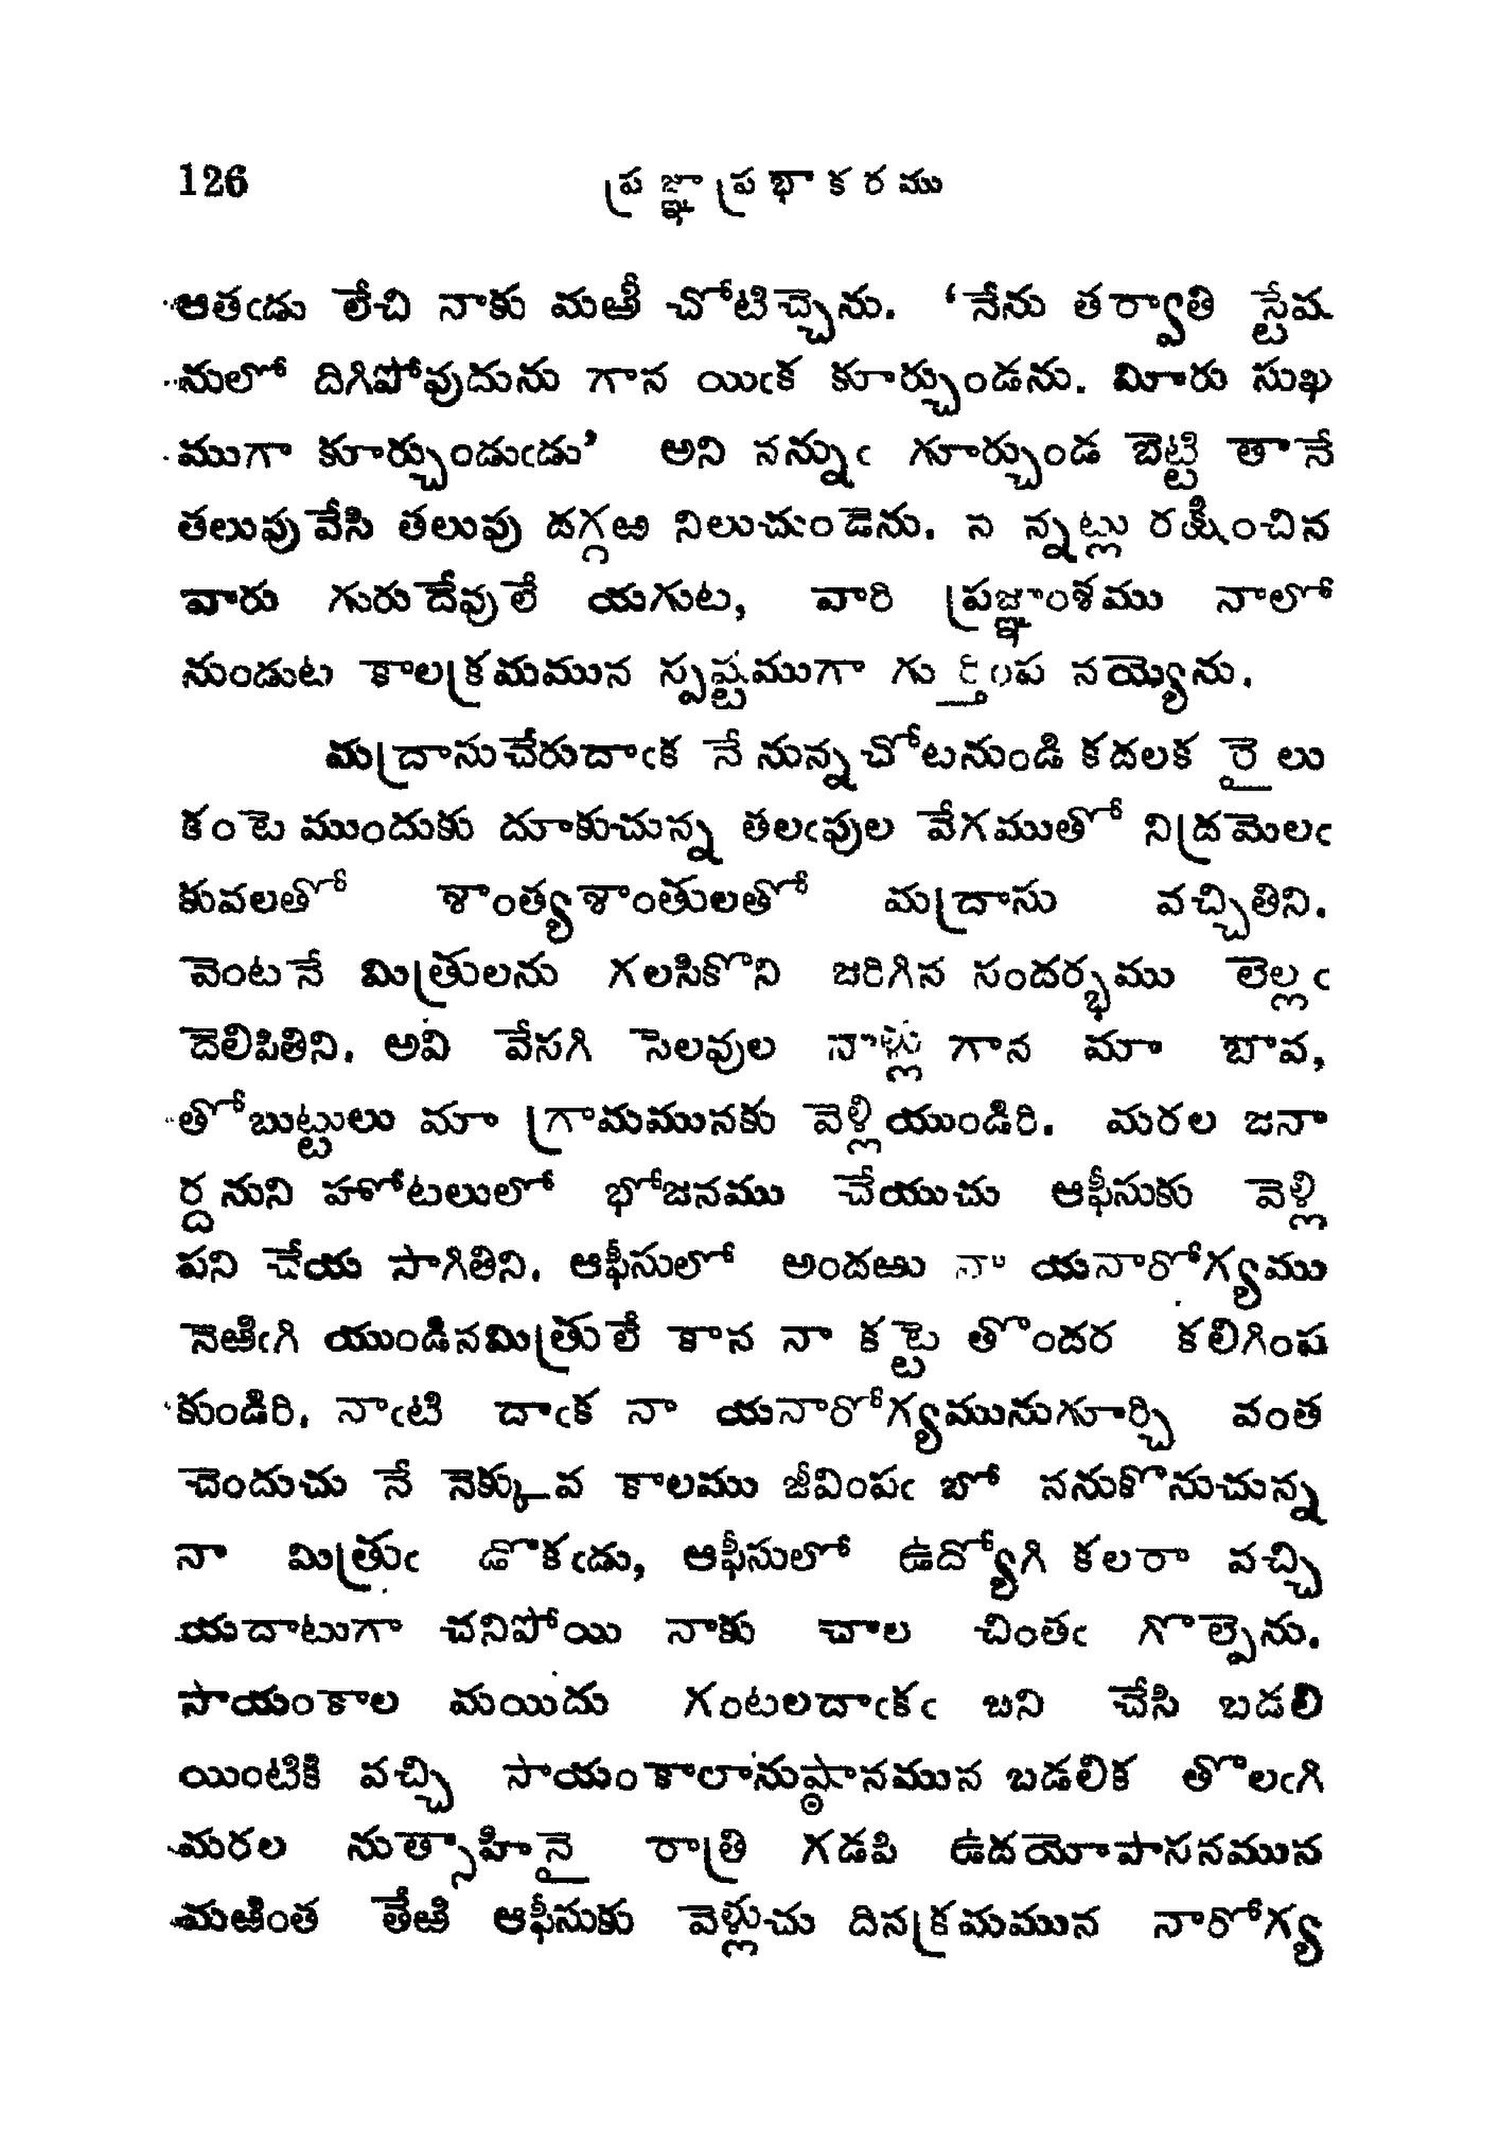ఆతఁడు లేచి నాకు మఱీ చోటిచ్చెను.' నేను తర్వాతి స్టేషనులో దిగిపోవుడును గాన యిఁక కూర్చుండను' అని నన్నుఁ గూర్చుండబెట్టి తానే తలుపు వేసి దగ్గఱ నిలుచుండెను. న న్నట్లు రక్షించినవారు గురుదేవులే యగుట. వారి ప్రజ్ఞాంశము నాలో నుండుట కాల క్రమమున స్పష్టముగా గుర్తింప నయ్యెను.
 
మద్రాసు చేరుదాఁ క నే నున్న చోటనుండి కదలక రైలు కంటె ముందుకు దూకుచున్న తలఁ పుల వేగముతో నిద్రమెలఁ కువలతో శాంత్యశాంతులతో మద్రాసు వచ్చితిని. వెంటనే మిత్రులను గలసికొని జరగిన సందర్భము లెల్లఁ దెలిపితిని. అవి వేసవి సెలవుల నాళ్ళు గాన మా బావ తో బుట్టులు మా గ్రామమునకు వెళ్ళి యుండిరి. మరల జనార్దనుని హొటలు లో భోజనము చేయుచు ఆఫీసులో అందఱు నా యనారోగ్యమును నెఱిఁగి యుండిన మిత్రులే కాన నా కట్టె తొందర కలిగింప కుండిరి. నాఁటి దాఁక నా యనారోగ్యము ను గూర్చి వంత చెందుచు నే నెక్కువ కాలము జీవింపఁబో నను కొనుచున్న నా మిత్రుఁ డొకఁ డు, ఆఫీసులో ఉద్యోగి కలరా వచ్చి యదాటుగా చనిపోయి నాకు చాల చింతఁ గొల్పెను. సాయంకాల మయిదు గంటల దాఁకఁ బని చేసి బడలి యింటికి వచ్చి సాయంకాలానుష్టానమున బడలిక తొలఁగి మరల నుత్సాహినై రాత్రి గడసి ఉదయోపాసనమున మఱింత తేఱి ఆఫీసుకు వెళ్ళుచు డిన క్రమమున నారోగ్య